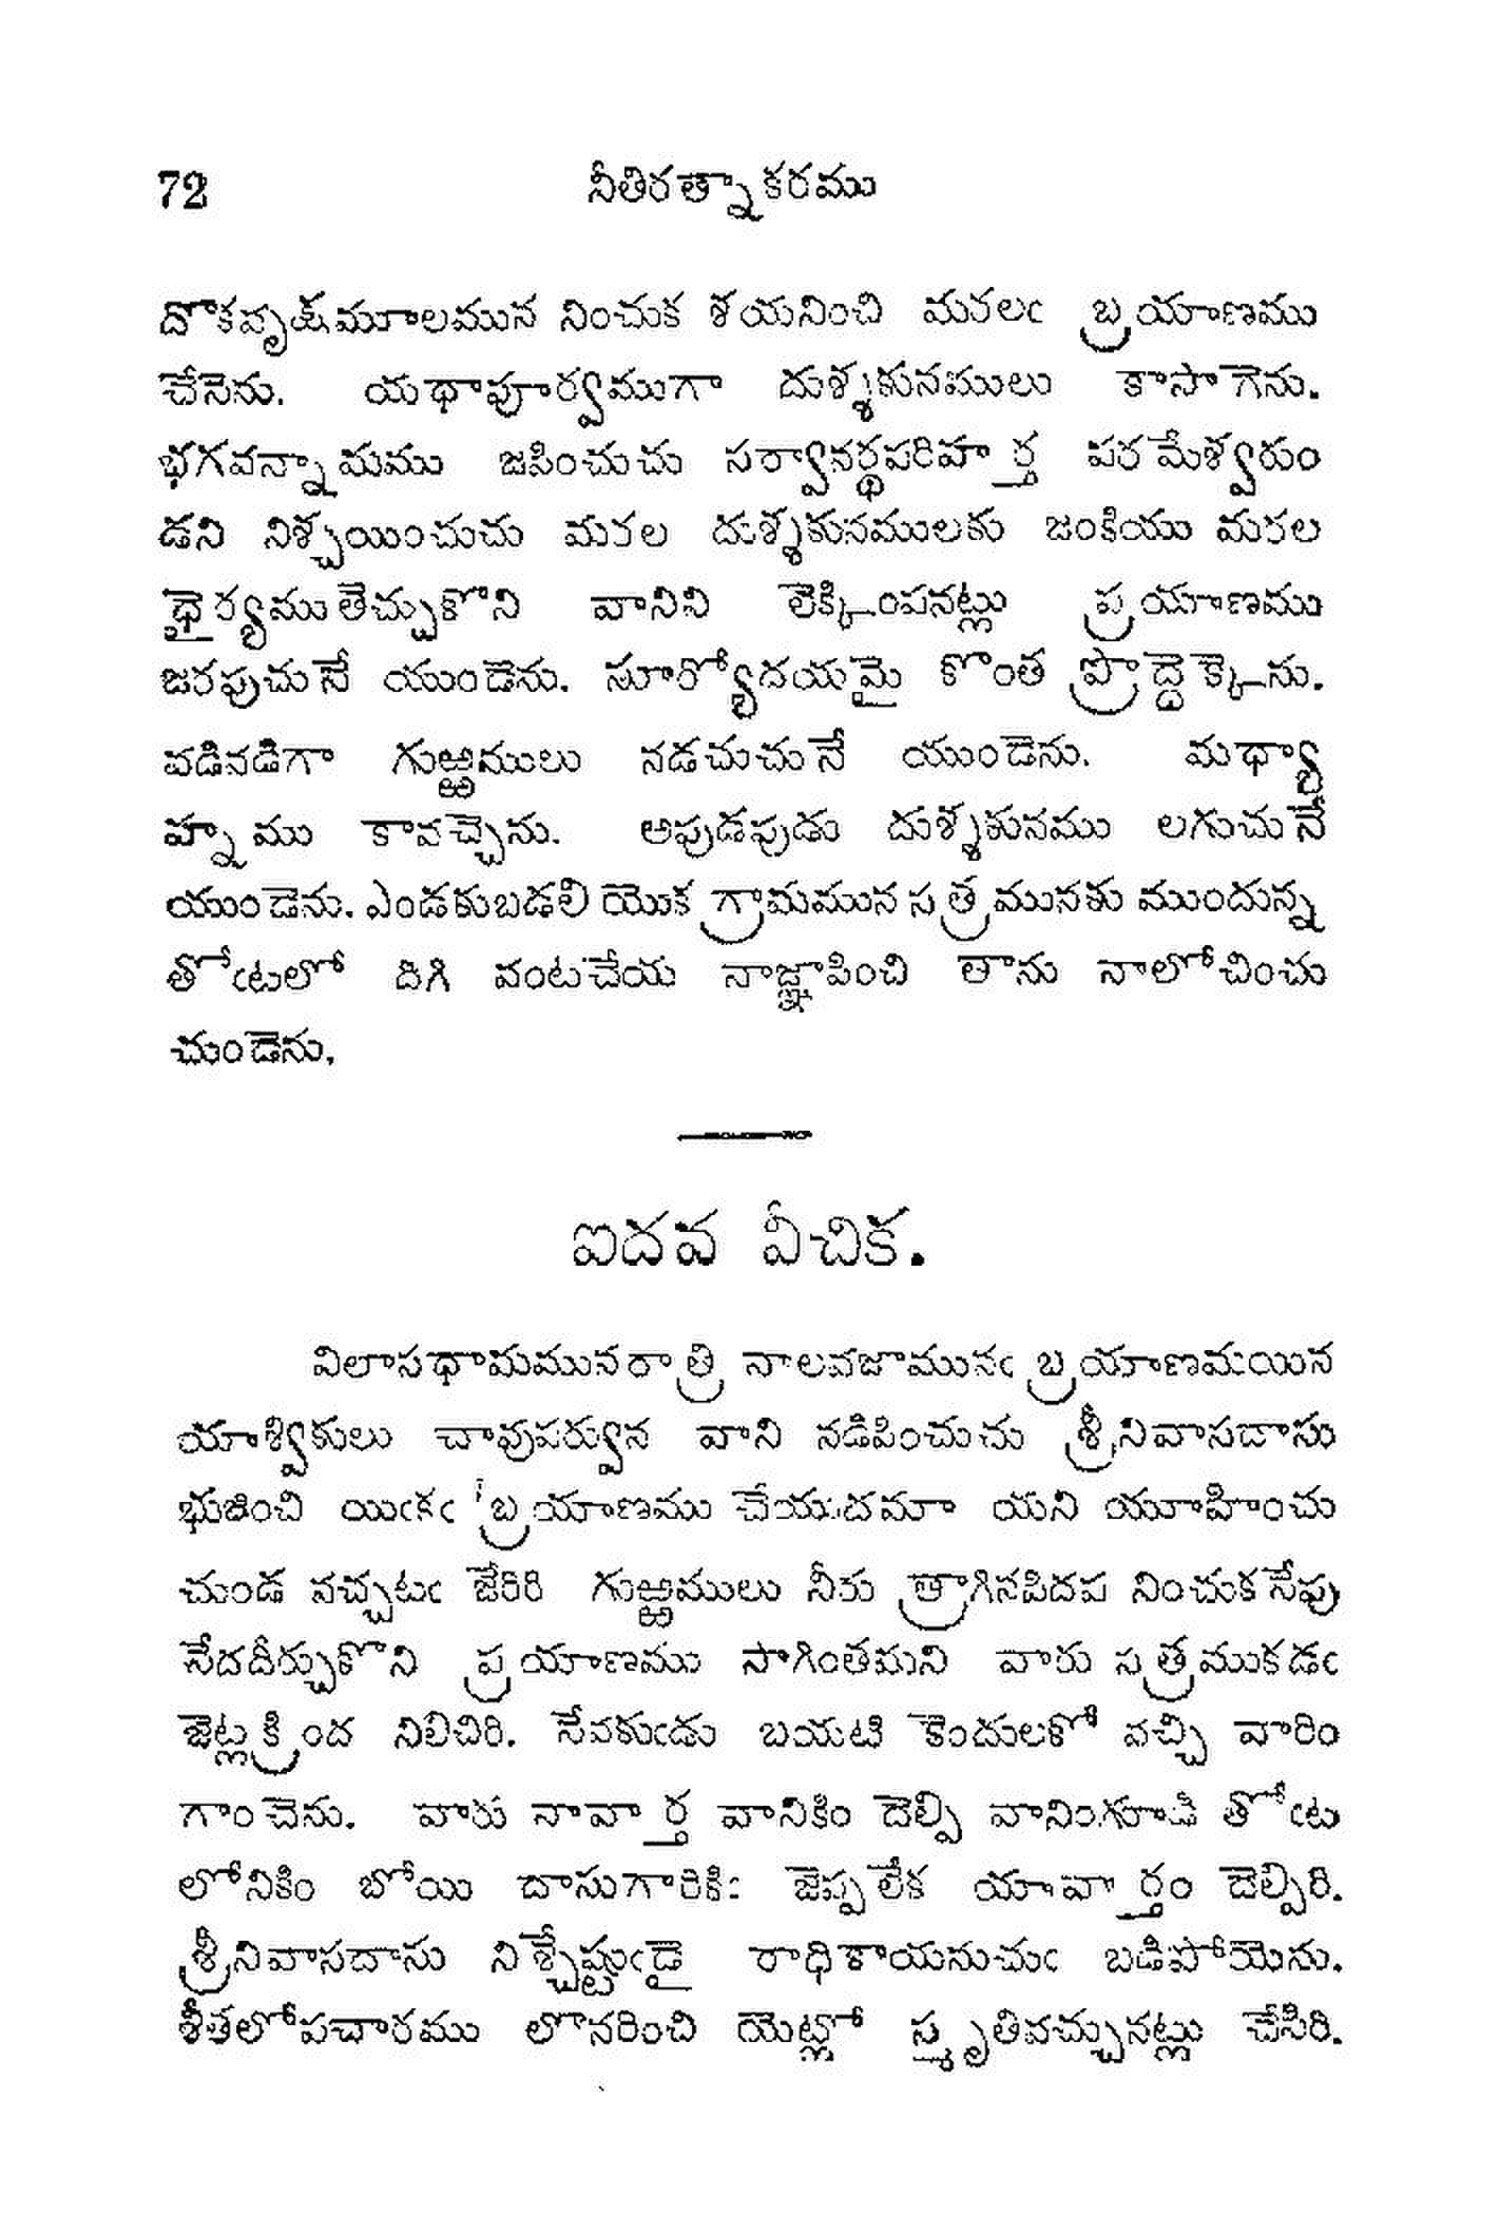దొకవృక్షమూలమున నించుక శయనించి మరలఁ బ్రయాణము చేసెను. యధాపూర్వముగా దుశ్శకునములు కాసాగెను. భగవన్నామము జపించుచు సర్వానర్ధపరిహర్త పరమేశ్వరుండని నిశ్చయించుచు మరల దుశ్శకునములకు జంకియు మరలధైర్యము తెచ్చుకొని వానిని లెక్కింపనట్లు ప్రయాణము జరపుచునే యుండెను. సూర్యోదయమై కొంత ప్రొద్దెక్కెను. వడినడిగా గుఱ్ఱములు నడచుచునే యుండెను. మధ్యా హ్నము కావచ్చెను. అపుడపుడు దుశ్శకునము లగుచునేయుండెను. ఎండకుబడలి యొక గ్రామమున సత్రమునకు ముందున్న తోటలో దిగి వంట చేయ నాజ్ఞాపించి తాను నాలోచించు చుండెను.

ఐదవ వీచిక. 

విలాసధామమున రాత్రి నాలవజామునఁ బ్రయాణమయిన యాశ్వికులు చావుపర్వున వాని నడిపించుచు శ్రీనివాసదాసు భుజించి యిఁకఁ బ్రయాణము చేయుదమా యని యూహించు చుండ నచ్చటఁ జేరిరి గుఱ్ఱములు నీరు తాగినపిదప నించుక సేపు సేదదీర్చుకొని ప్రయాణము సాగింతమని వారు సత్రముకడఁ జెట్ల క్రింద నిలిచిరి. సేవకుఁడు బయటి కెందులలో వచ్చి వారిం గాంచెను. వారు నావార్త వానికిం దెల్పి వానింగూడి తోట లోనికిం బోయి దాసుగారికి: జెప్ప లేక యావార్తం దెల్పిరి. శ్రీనివాసదాసు నిశ్చేష్టుఁడై రాధికాయనుచుఁ బడిపోయెను. శీతలోపచారము లొనరించి యెట్లో స్మృతి వచ్చునట్లు చేసిరి.